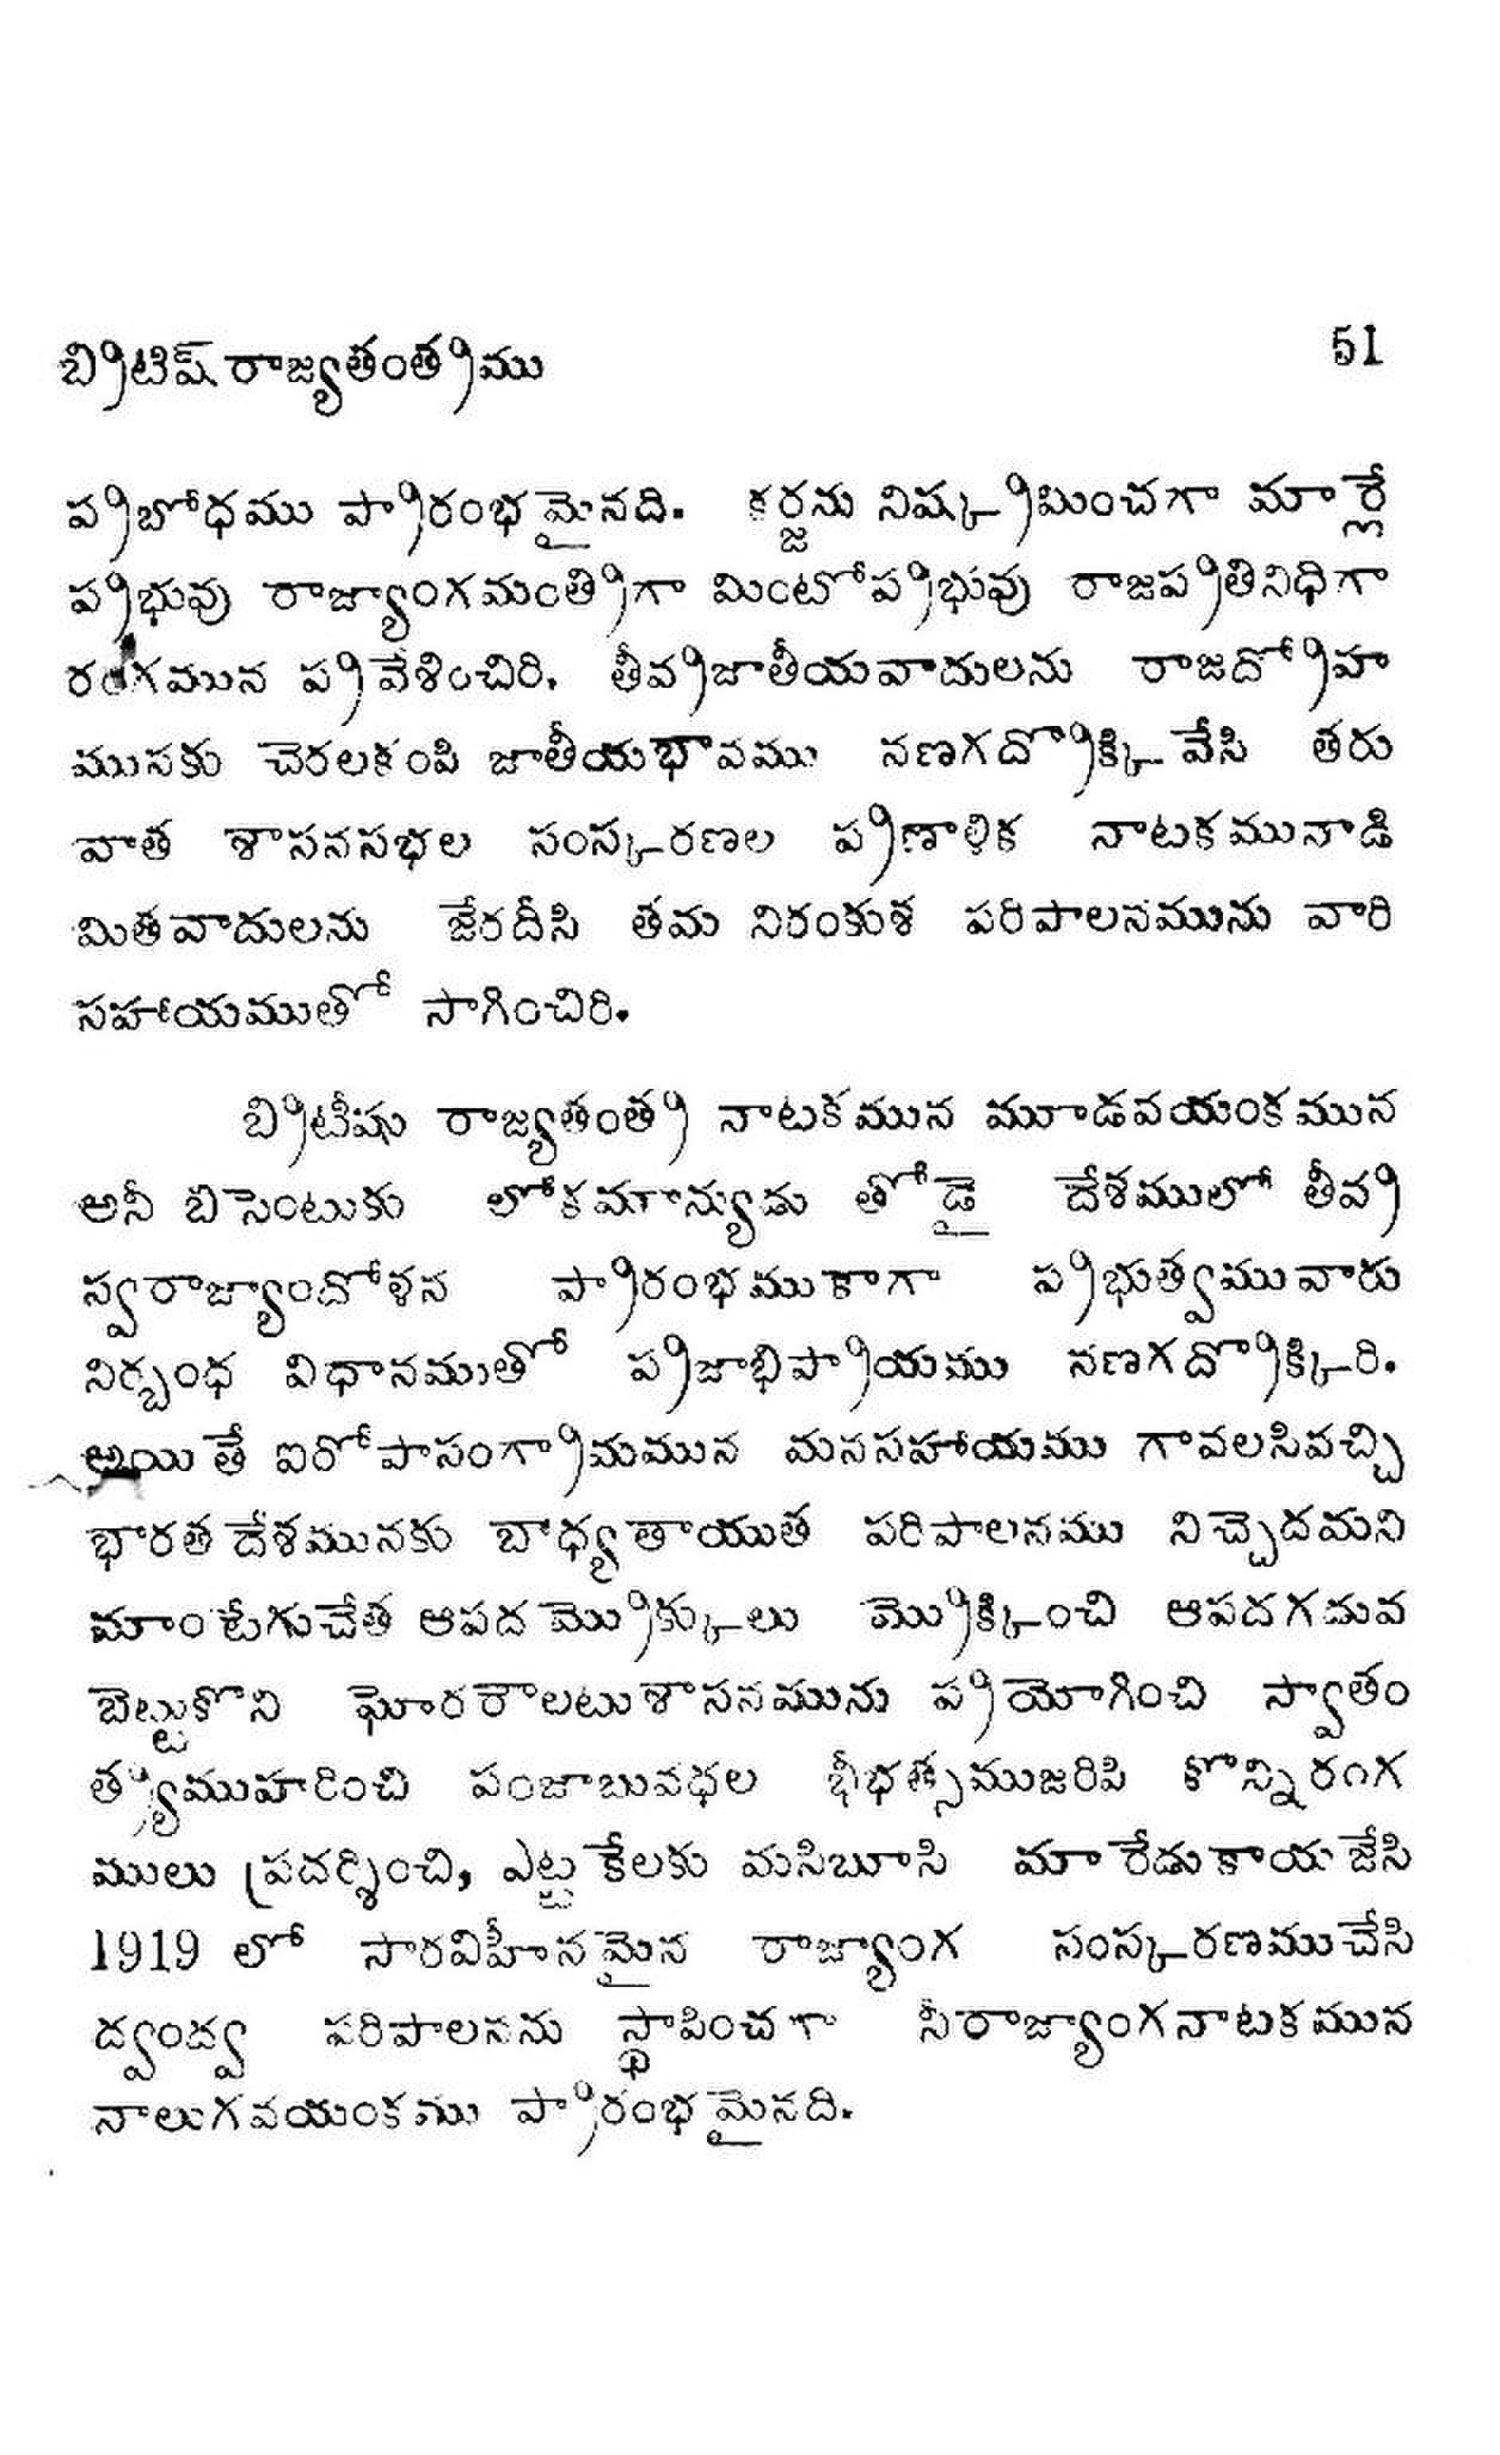ప్రబోధము ప్రారంభమైనది. కర్జను నిష్క్రమించగా మార్లేప్రభువు రాజ్యాంగమంత్రిగా మింటోప్రభువు రాజప్రతినిధిగా రంగమున ప్రవేశించిరి, తీవ్రజాతీయవాదులను రాజద్రోహమునకు చెరలకంపి జాతీయభావము నణగద్రొక్కి వేసి తరువాత శాసనసభల సంస్కరణల ప్రణాళిక నాటకమునాడి మితవాదులను జేరదీసి తమ నిరంకుశ పరిపాలనమును వారి సహాయముతో సాగించిరి.

బ్రిటీషు రాజ్యతంత్ర నాటకమున మూడవయంకమున అనీ బిసెంటుకు లోకమాన్యుడు తోడై దేశములో తీవ్ర స్వరాజ్యాందోళన ప్రారంభముకాగా ప్రభుత్వమువారు నిర్బంధ విధానముతో ప్రజాభిప్రాయము నణగద్రొక్కిరి. అయి తే ఐరోపాసంగ్రామమున మనసహాయము గావలసివచ్చి భారతదేశమునకు బాధ్యతాయుత పరిపాలనము నిచ్చెదమని మాంటేగుచేత ఆపద మ్రొక్కులు మ్రొక్కించి ఆపదగడువ బెట్టుకొని ఘోరరౌలటుశాసనమును ప్రయోగించి స్వాతంత్ర్యముహరించి పంజాబువధల భీభత్సముజరిపి కొన్నిరంగములు ప్రదర్శించి, ఎట్టకేలకు మసిబూసి మారేడుకాయజేసి 1919 లో సారవిహీనమైన రాజ్యాంగ సంస్కరణముచేసి ద్వంద్వ పరిపాలనను స్థాపించగా నీరాజ్యాంగనాటకమున నాలుగవయంకము ప్రారంభమైనది.